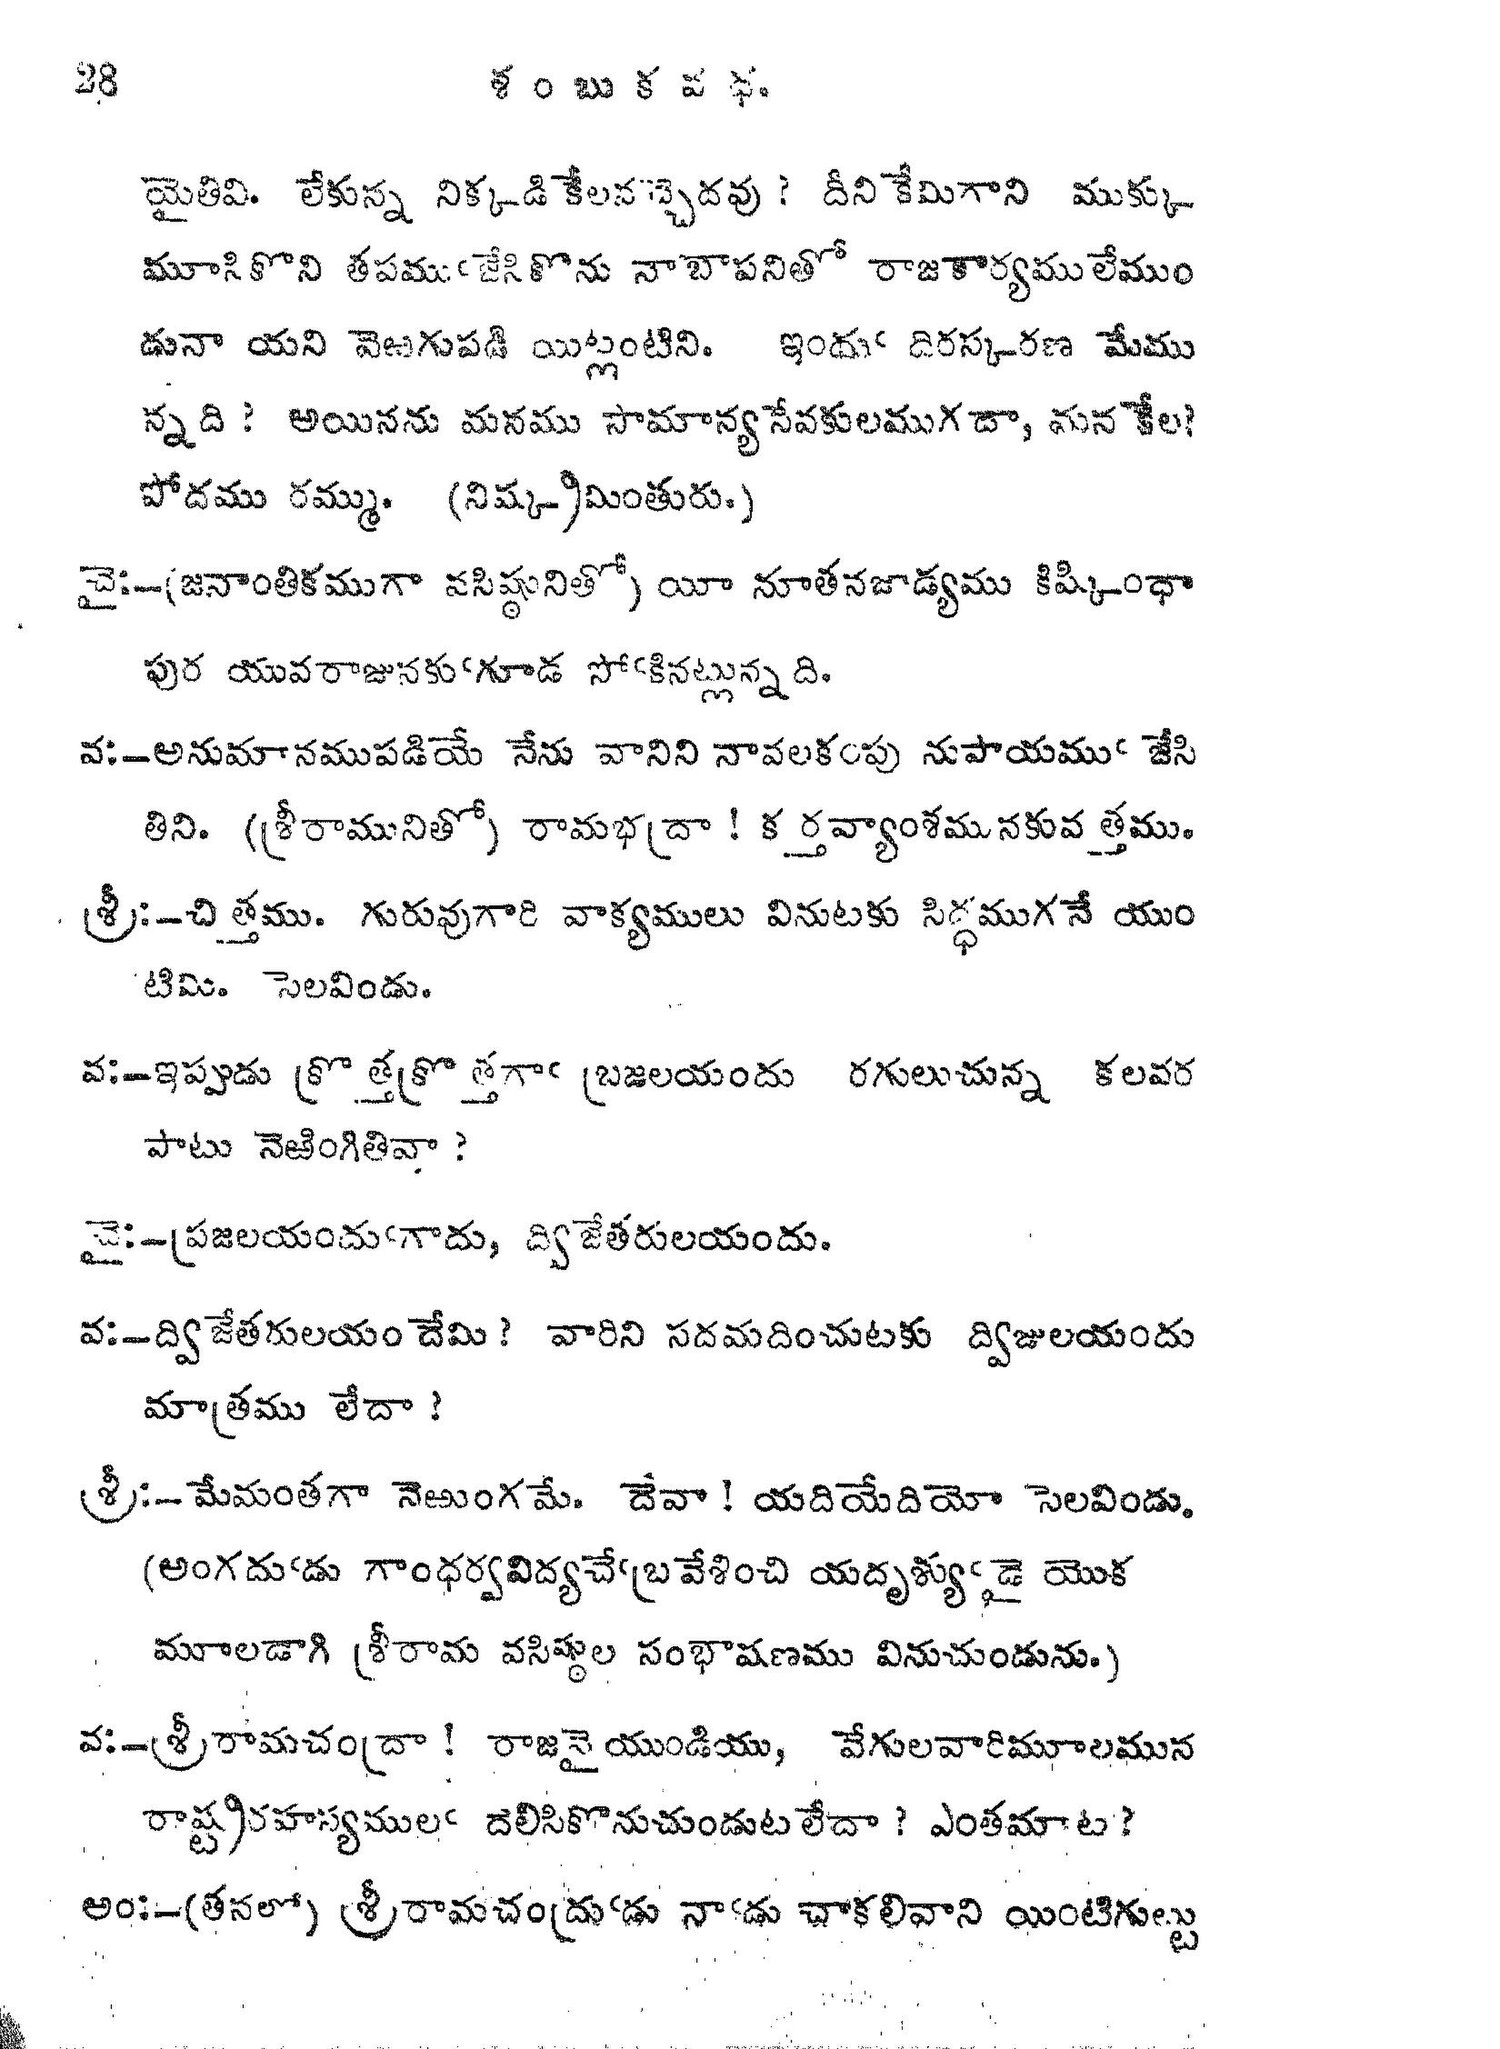యైతివి. లేకున్న నిక్కడి కేలక వచ్చెదవు : దీని కేమిగాని ముక్కు
 మూసి కొని తపము జేసికొను నా బాపనితో రాజ కార్యము లేముం
 డునా యని వెఱుగుపడి యిట్లంటిని.ఇందుఁ దిరస్కరణ మేము
 న్నది . అయినను మనము సామాన్య సేవకులము గదా, మన కేల?
 పోదము రమ్ము. (నిష్క్రమింతురు.)

చై:- (జనాంతికముగా పసిష్ఠునితో) యీ నూతన జాడ్యము కిష్కింధా
 పుర యువరాజునకు గూడ సోకి నట్లున్నది.

వ:- అనుమానముపడియే నేను వానిని నావలకంపు నుపొయముఁ జేసి
 తిని. (శ్రీరామునితో) రామభద్రా ! కర్తవ్యాంశమునకు వత్తము.

శ్రీ:-చిత్తము. గురువుగారి వాక్యములు వినుటకు సిద్ధముగనే యుం
 టిమి. సెలవిండు.

వ:-ఇప్పుడు క్రొత్తక్రొత్తగా బ్రజల యందు రగులు చున్న కలవర
 పాటు నెఱింగితివా ?

చై:-ప్రజలయందుఁ గాదు, ద్విజేతరులయందు.

వ:-ద్విజేతరులయం దేమి ! వారిని సదమదించుటకు ద్విజులయందు
 మాత్రము లేదా ?

శ్రీ:-మేమంతగా నెఱుంగమే. దేవా ! యదియేదియో సెలవిండు.
 (అంగదుఁడు గాంధర్వవిద్యచే బ్రవేశించి యదృశ్యుడై యొక
 మూలడాగి శ్రీరామ వసిష్ఠుల సంభాషణము వినుచుండును.)

వ: శ్రీరామచంద్రా ! రాజనై యుండియు, వేగులవారి మూలమున
 రాష్ట్ర రహస్యములఁ దెలిసికొను చుండుట లేదా ! ఎంతమాట ?

అం:-(తనలో) శ్రీరామచంద్రుఁడు నాడు చాకలివాని యింటిగుబ్బు